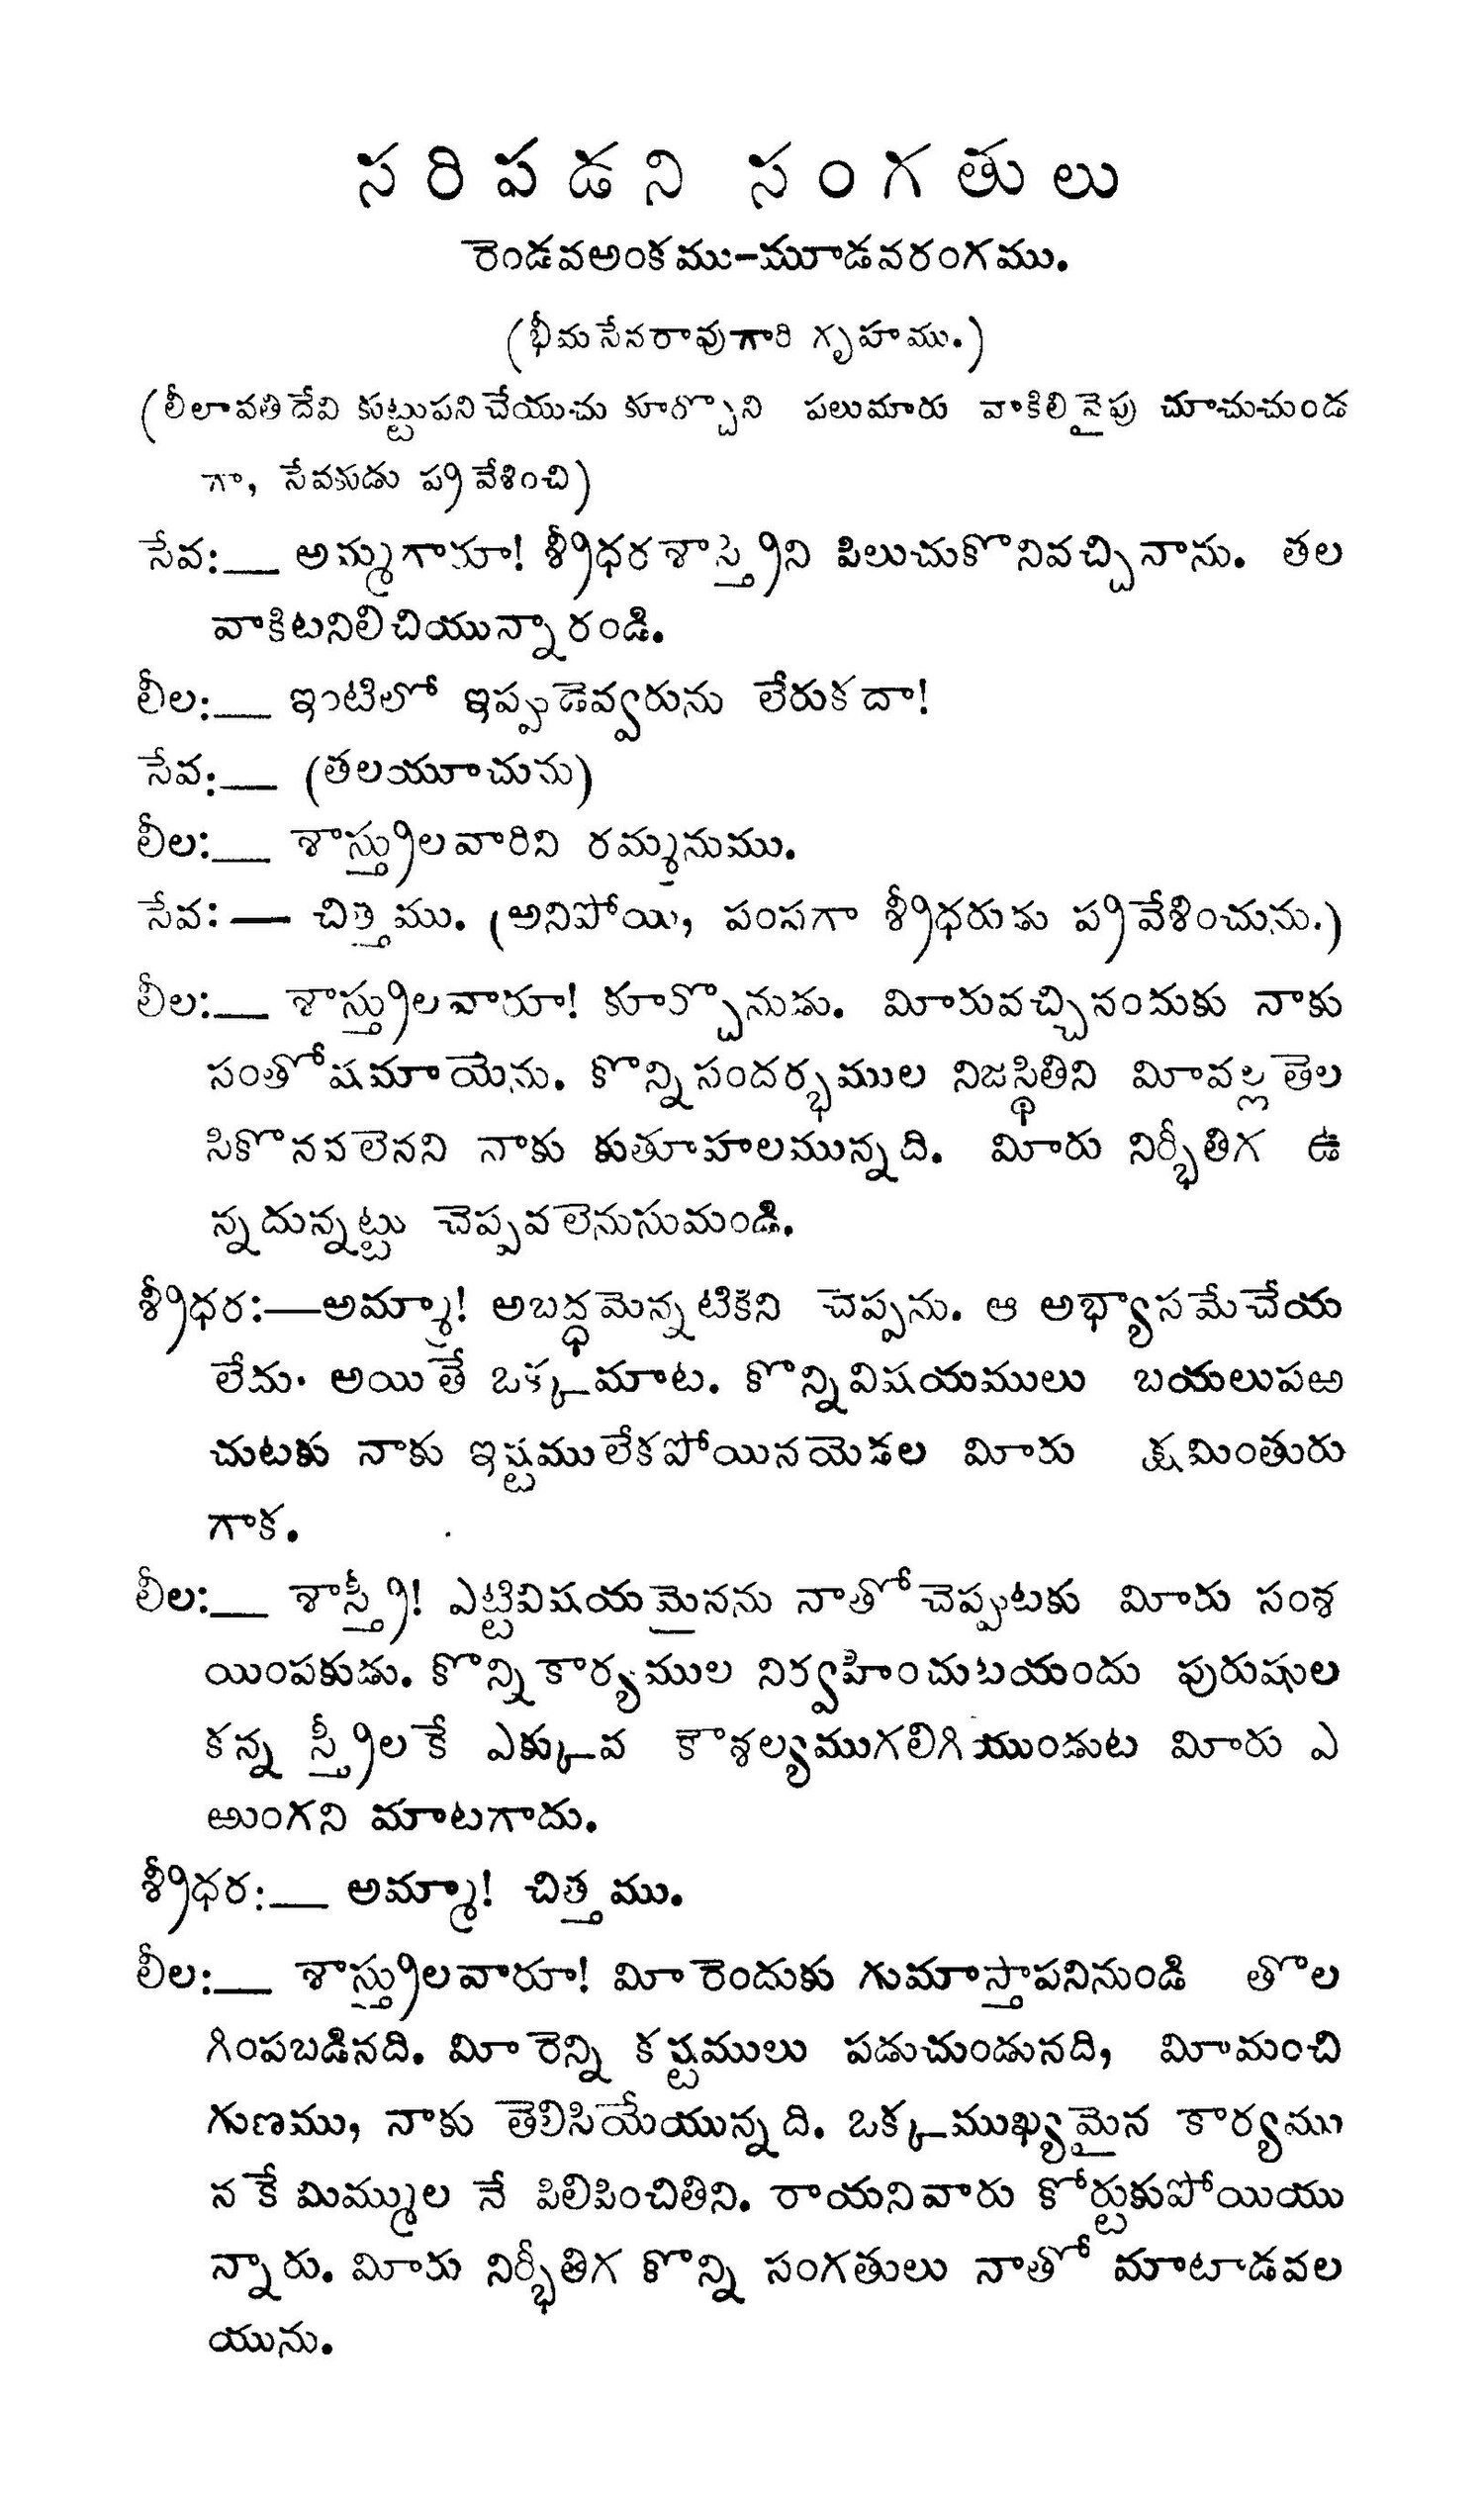సేవ: __ అమ్మ గారూ! శ్రీధర శాస్త్రిని పిలుచుకొనివచ్చి నాను. తల
వాకిటనిలిచి యున్నారండి.

లీల: ఇంటిలో ఇప్పుడెవ్వరును లేరుకదా!

సేవ: - (తలయూచుచు)

లీల: - శాస్త్రుల వారిని రమ్మనుము,

సేవ: – చిత్తము. (అనిపోయి, పంపగా శ్రీధరుకు ప్రవేశించును.)

లీల:- శాస్త్రుల వారూ! కూర్చొనుడు. మీరువచ్చినందుకు నాకు
సంతోషమాయేను. కొన్ని సందర్భముల నిజ స్థితిని మీవల్ల తెల
సికొనవ లెనని నాకు కుతూహలమున్నది. మీరు నిర్భీతిగ ఉ
న్నదున్నట్టు చెప్పవ లెనుసుమండి.

శ్రీధర:— అమ్మా! అబద్ధ మెన్నటికిని చెప్పను. ఆ అభ్యాసమే చేయ
లేదు. అయితే ఒక్క మాట. కొన్ని విషయములు బయలుపటి
చుటకు నాకు ఇష్టము లేకపోయిన యెడల మీరు క్షమింతురు
గాక.

లీల: __ శాస్త్రీ ! ఎట్టివిషయ మైనను నాతో చెప్పుటకు మీరు సంశ
యింపకుడు. కొన్ని కార్యముల నిర్వహించుటయందు పురుషుల
కన్న స్త్రీలకే ఎక్కువ కౌశల్యముగలిగి యుండుట మీరు ఎఱుంగని మాటగాదు.

శ్రీధర: __ అమ్మా! చిత్తము.

లీల: - శాస్త్రుల వారూ! మీ రెందుకు గుమాస్తా పనినుండి తొల
గింపబడినది. మీ రెన్ని కష్టములు పడుచుండునది, మీమంచి
గుణము, నాకు తెలిసియే యున్న ది. ఒక్క ముఖ్యమైన కార్యము
మిమ్ముల నే పిలిపించితిని.రాయని వారు కోర్టుకుపోయియు
న్నారు. మీరు నిర్భీతిగ కొన్ని సంగతులు నాతో మాటాడవల
యును.